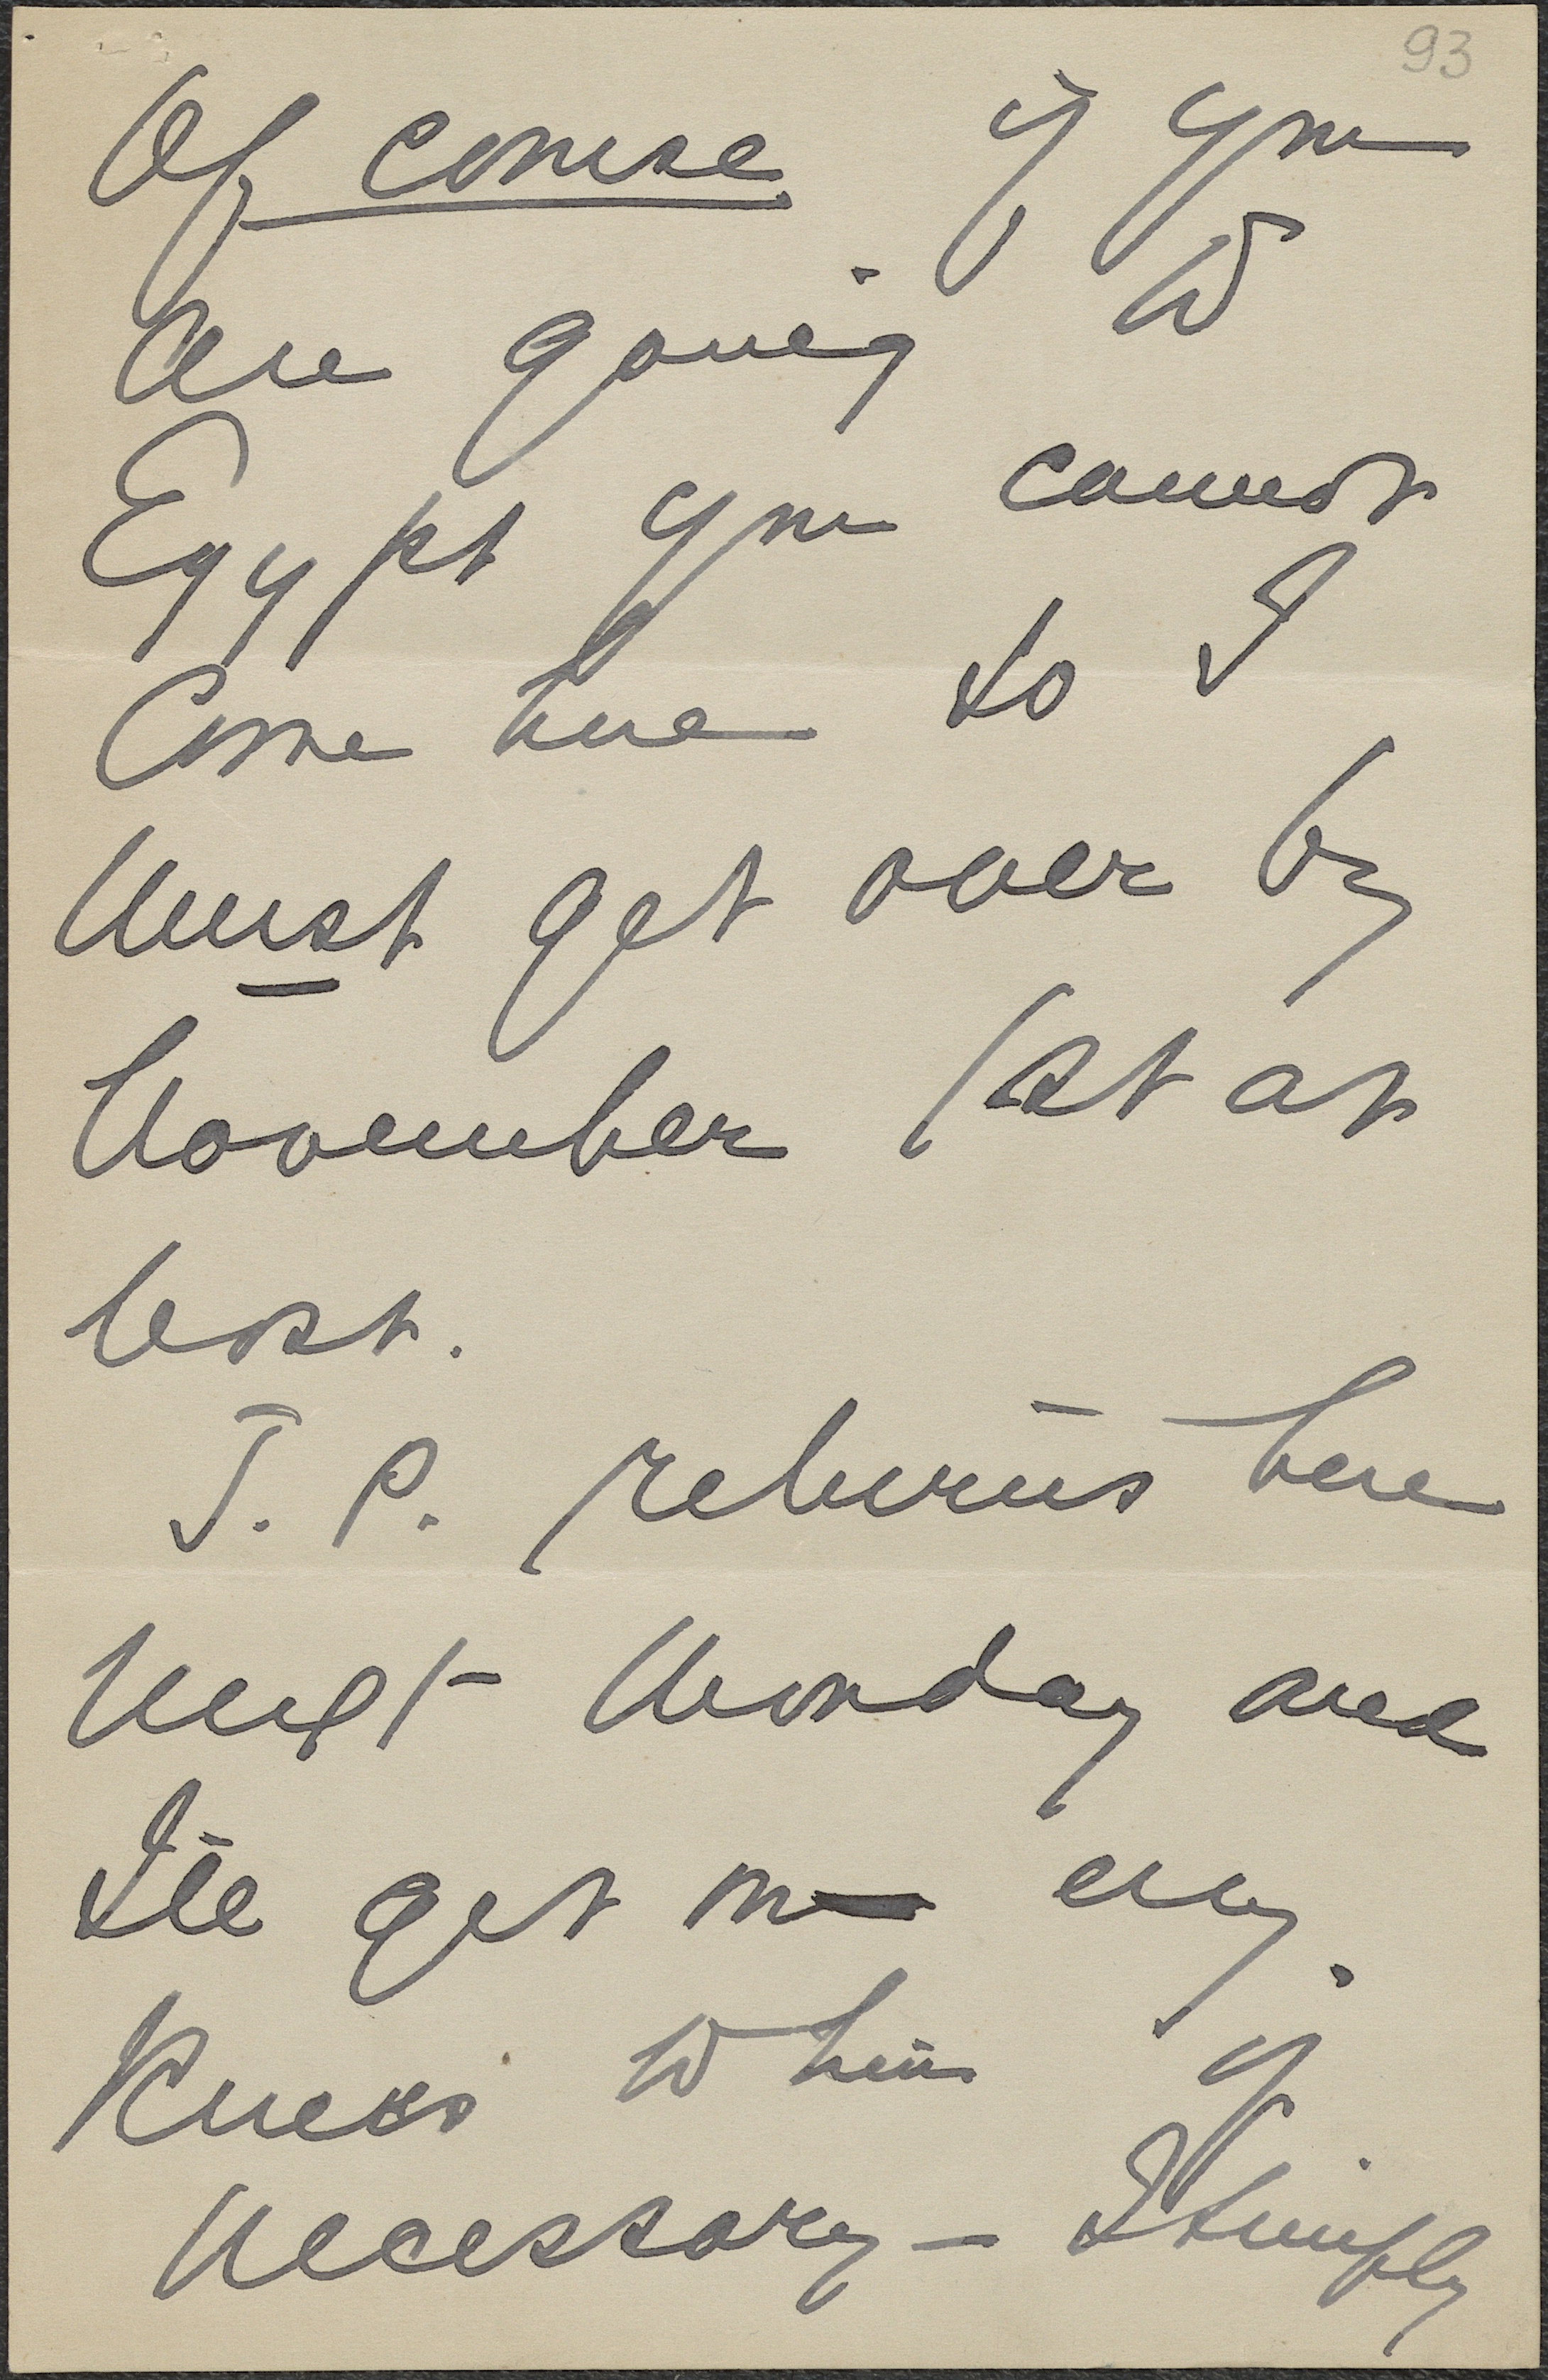of course if you are going to Egypt you cannot come here so I must get over by November 1st at least.
J. P. returns here next Monday and I’ll get on my knees to him if necessary – I simply